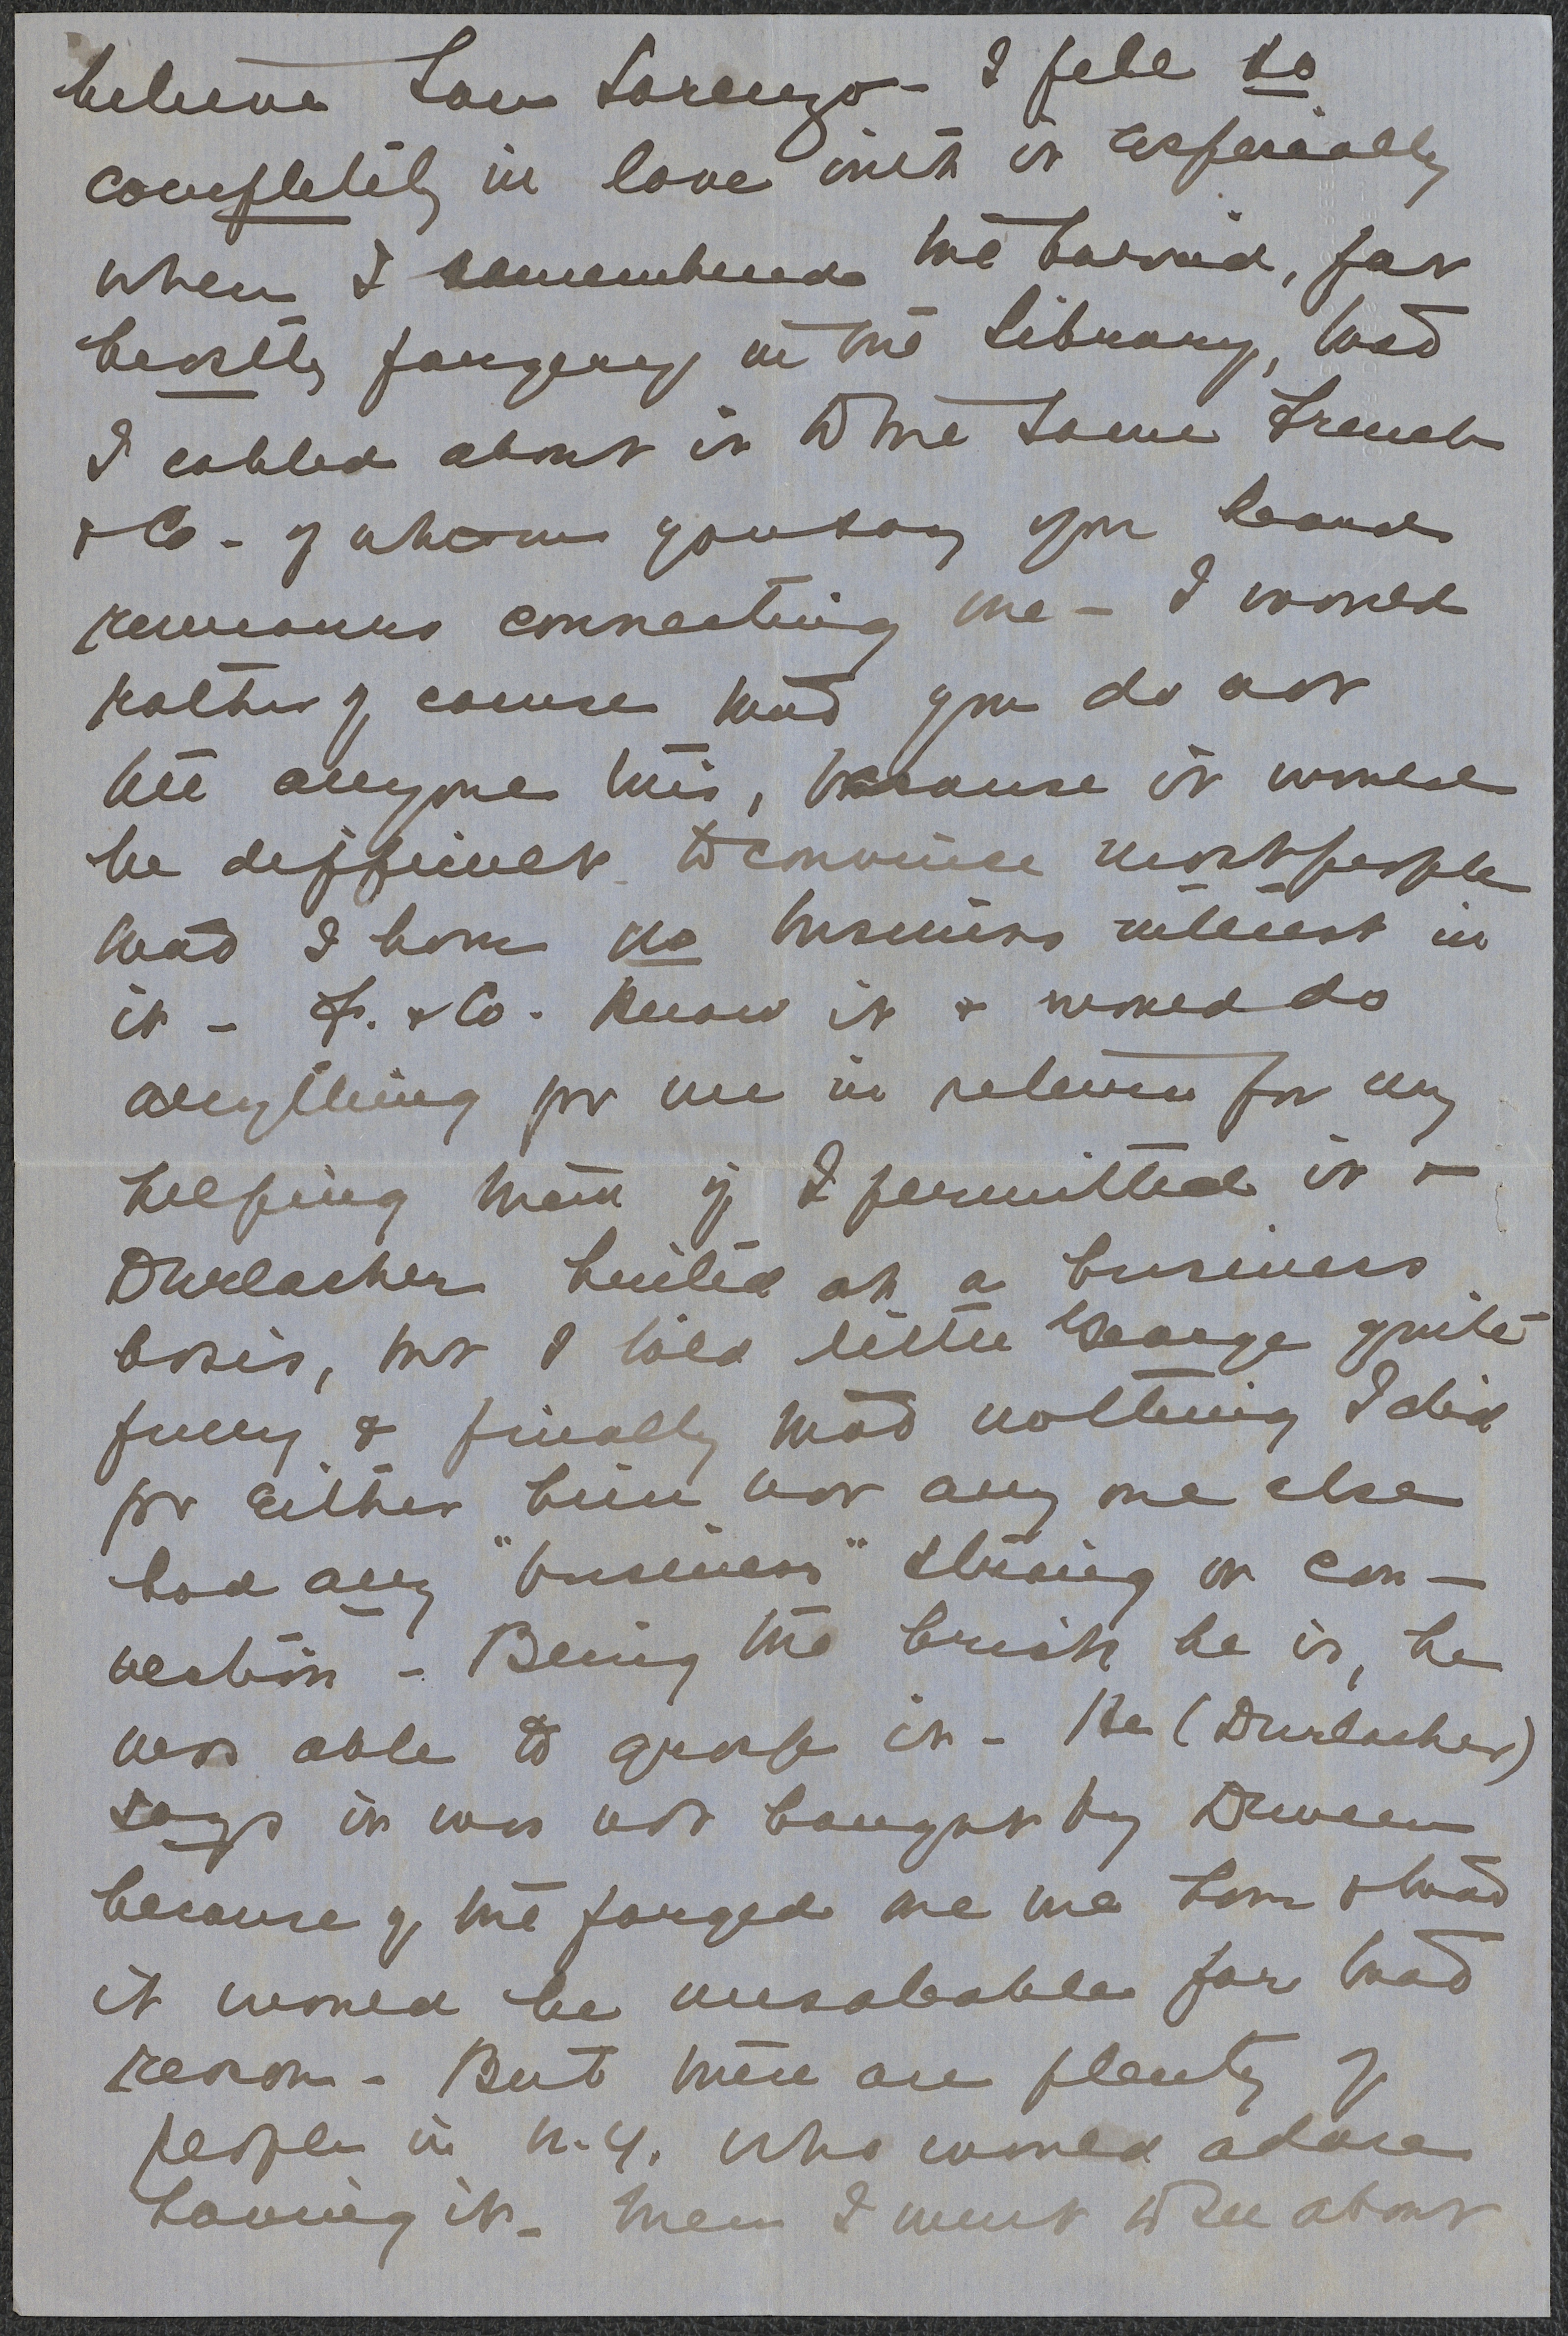believe San Lorenzo – I fell so completely in love with it especially when I remembered the horrid, fat beastly forgery in the Library, that I cabled about it to the same French & Co. of whom you say you heard rumours connecting me – I would rather of course that you do not tell anyone this, because it would be difficult to convince most people that I have no business interest in it – F. & Co. know it & would do anything for me in return for my helping them if I permitted it & Durlacher hinted at a business basis, but I told little George quite fully & finally that nothing I did for either him nor any one else had any “business” string or connection – Being the brick he is, he was able to grasp it – He (Durlacher) says it was not bought by Duveen because of the forged one we have & that it would be unsaleable for that reason – But there are plenty of people in N.Y. who would adore having it – Then I went to see about